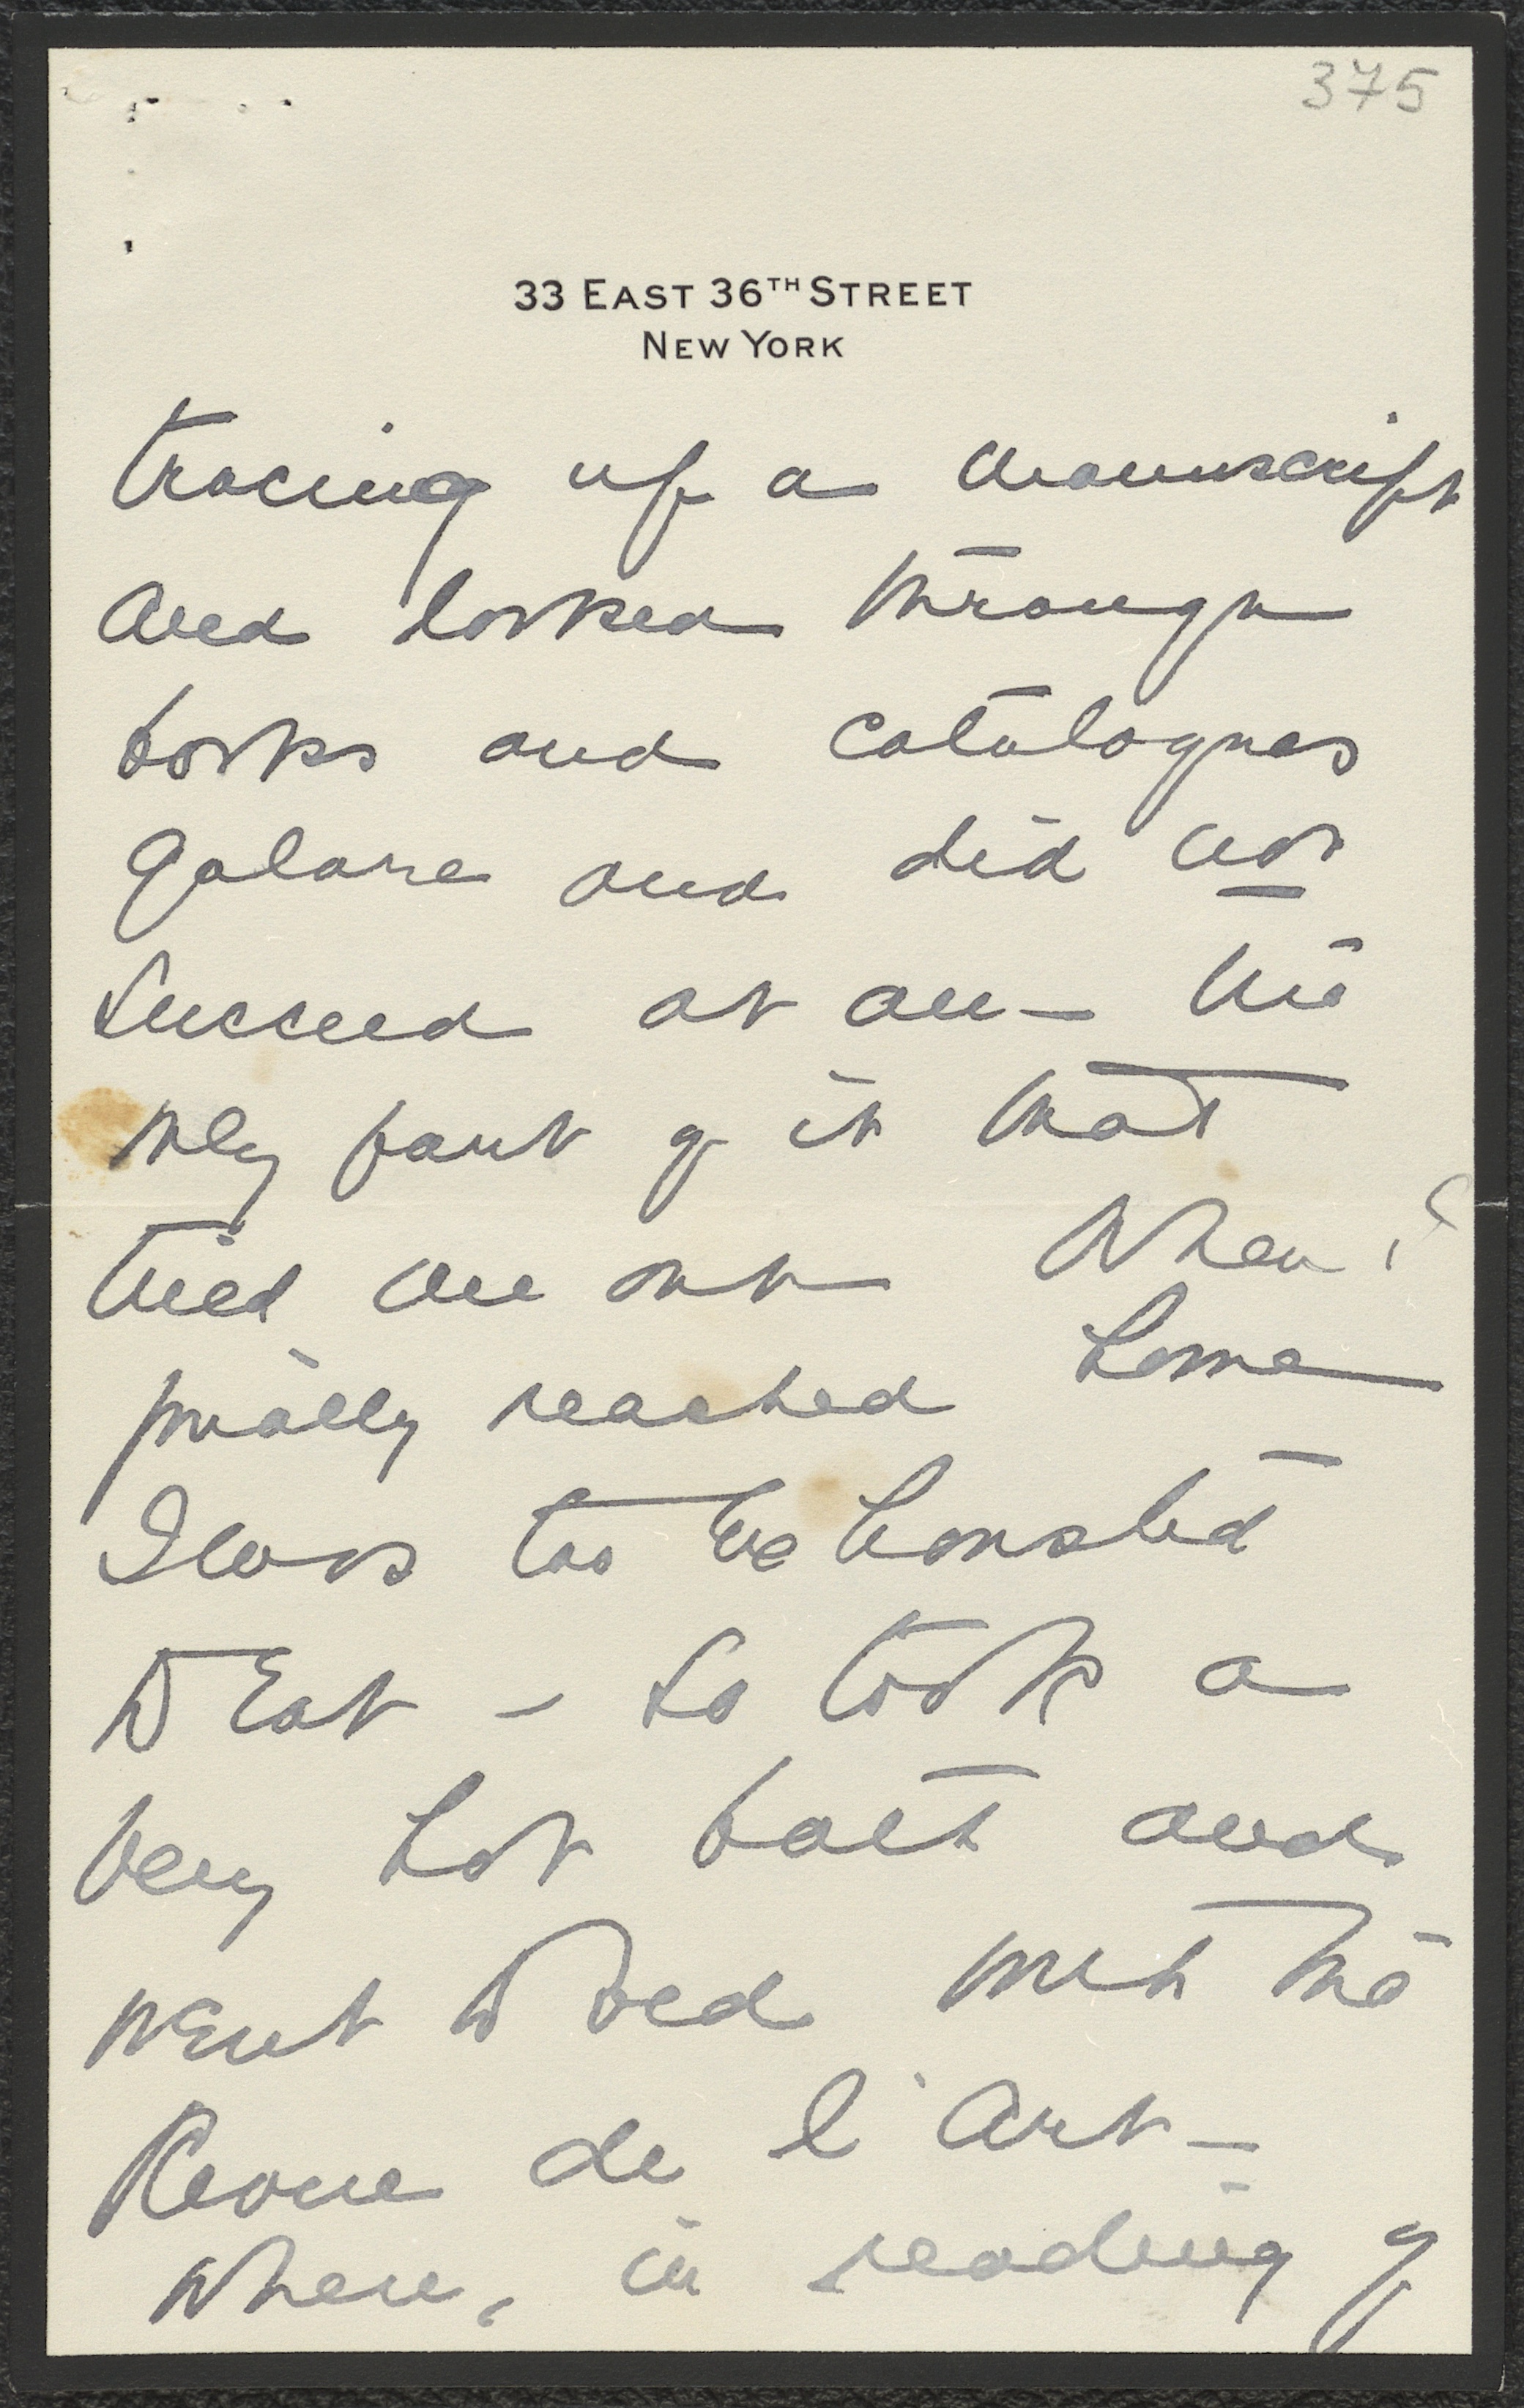tracing up a manuscript and looked through books and catalogues galore and did not succeed at all – the only part of it that tired me out – When I finally reached home I was too exhausted to eat – so took a very hot bath and went to bed with the Revue de l’Art –
Where, in reading of